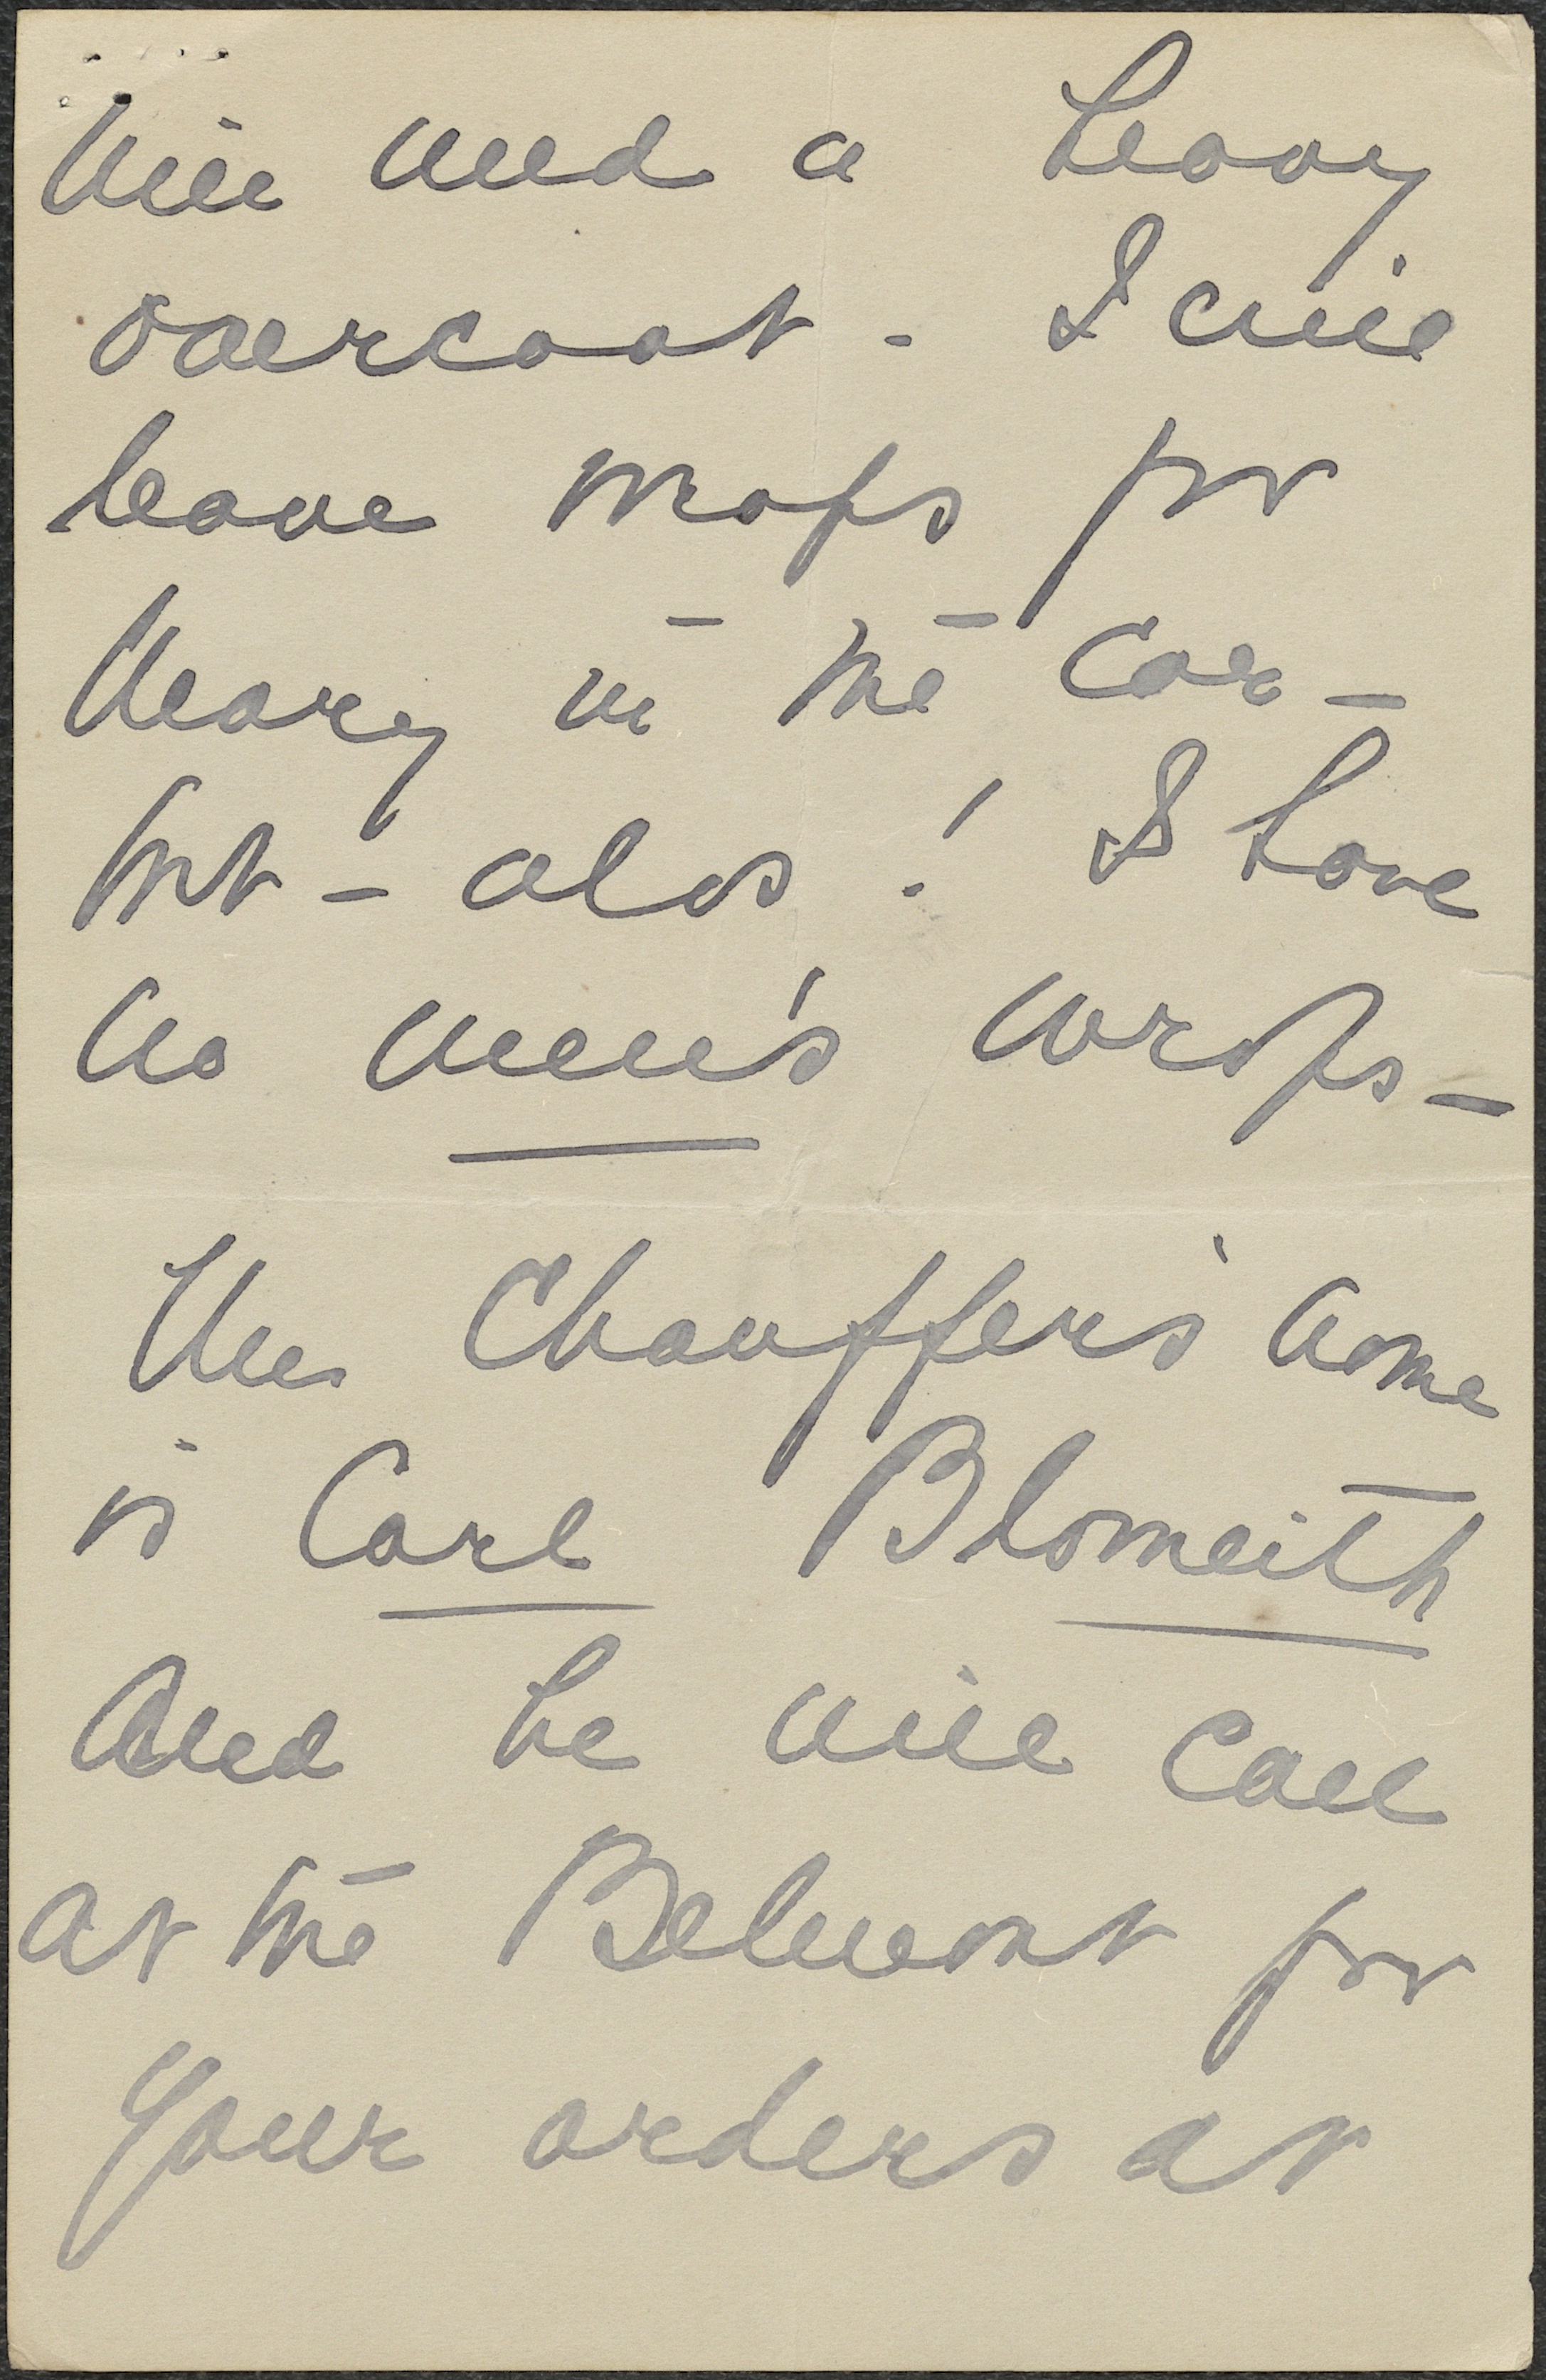will need a heavy overcoat – I will leave maps for Mary in the car – but – alas! I have no men’s wraps – The Chauffeur's name is Carl Blomeith and he will call at the Belmont for your orders at